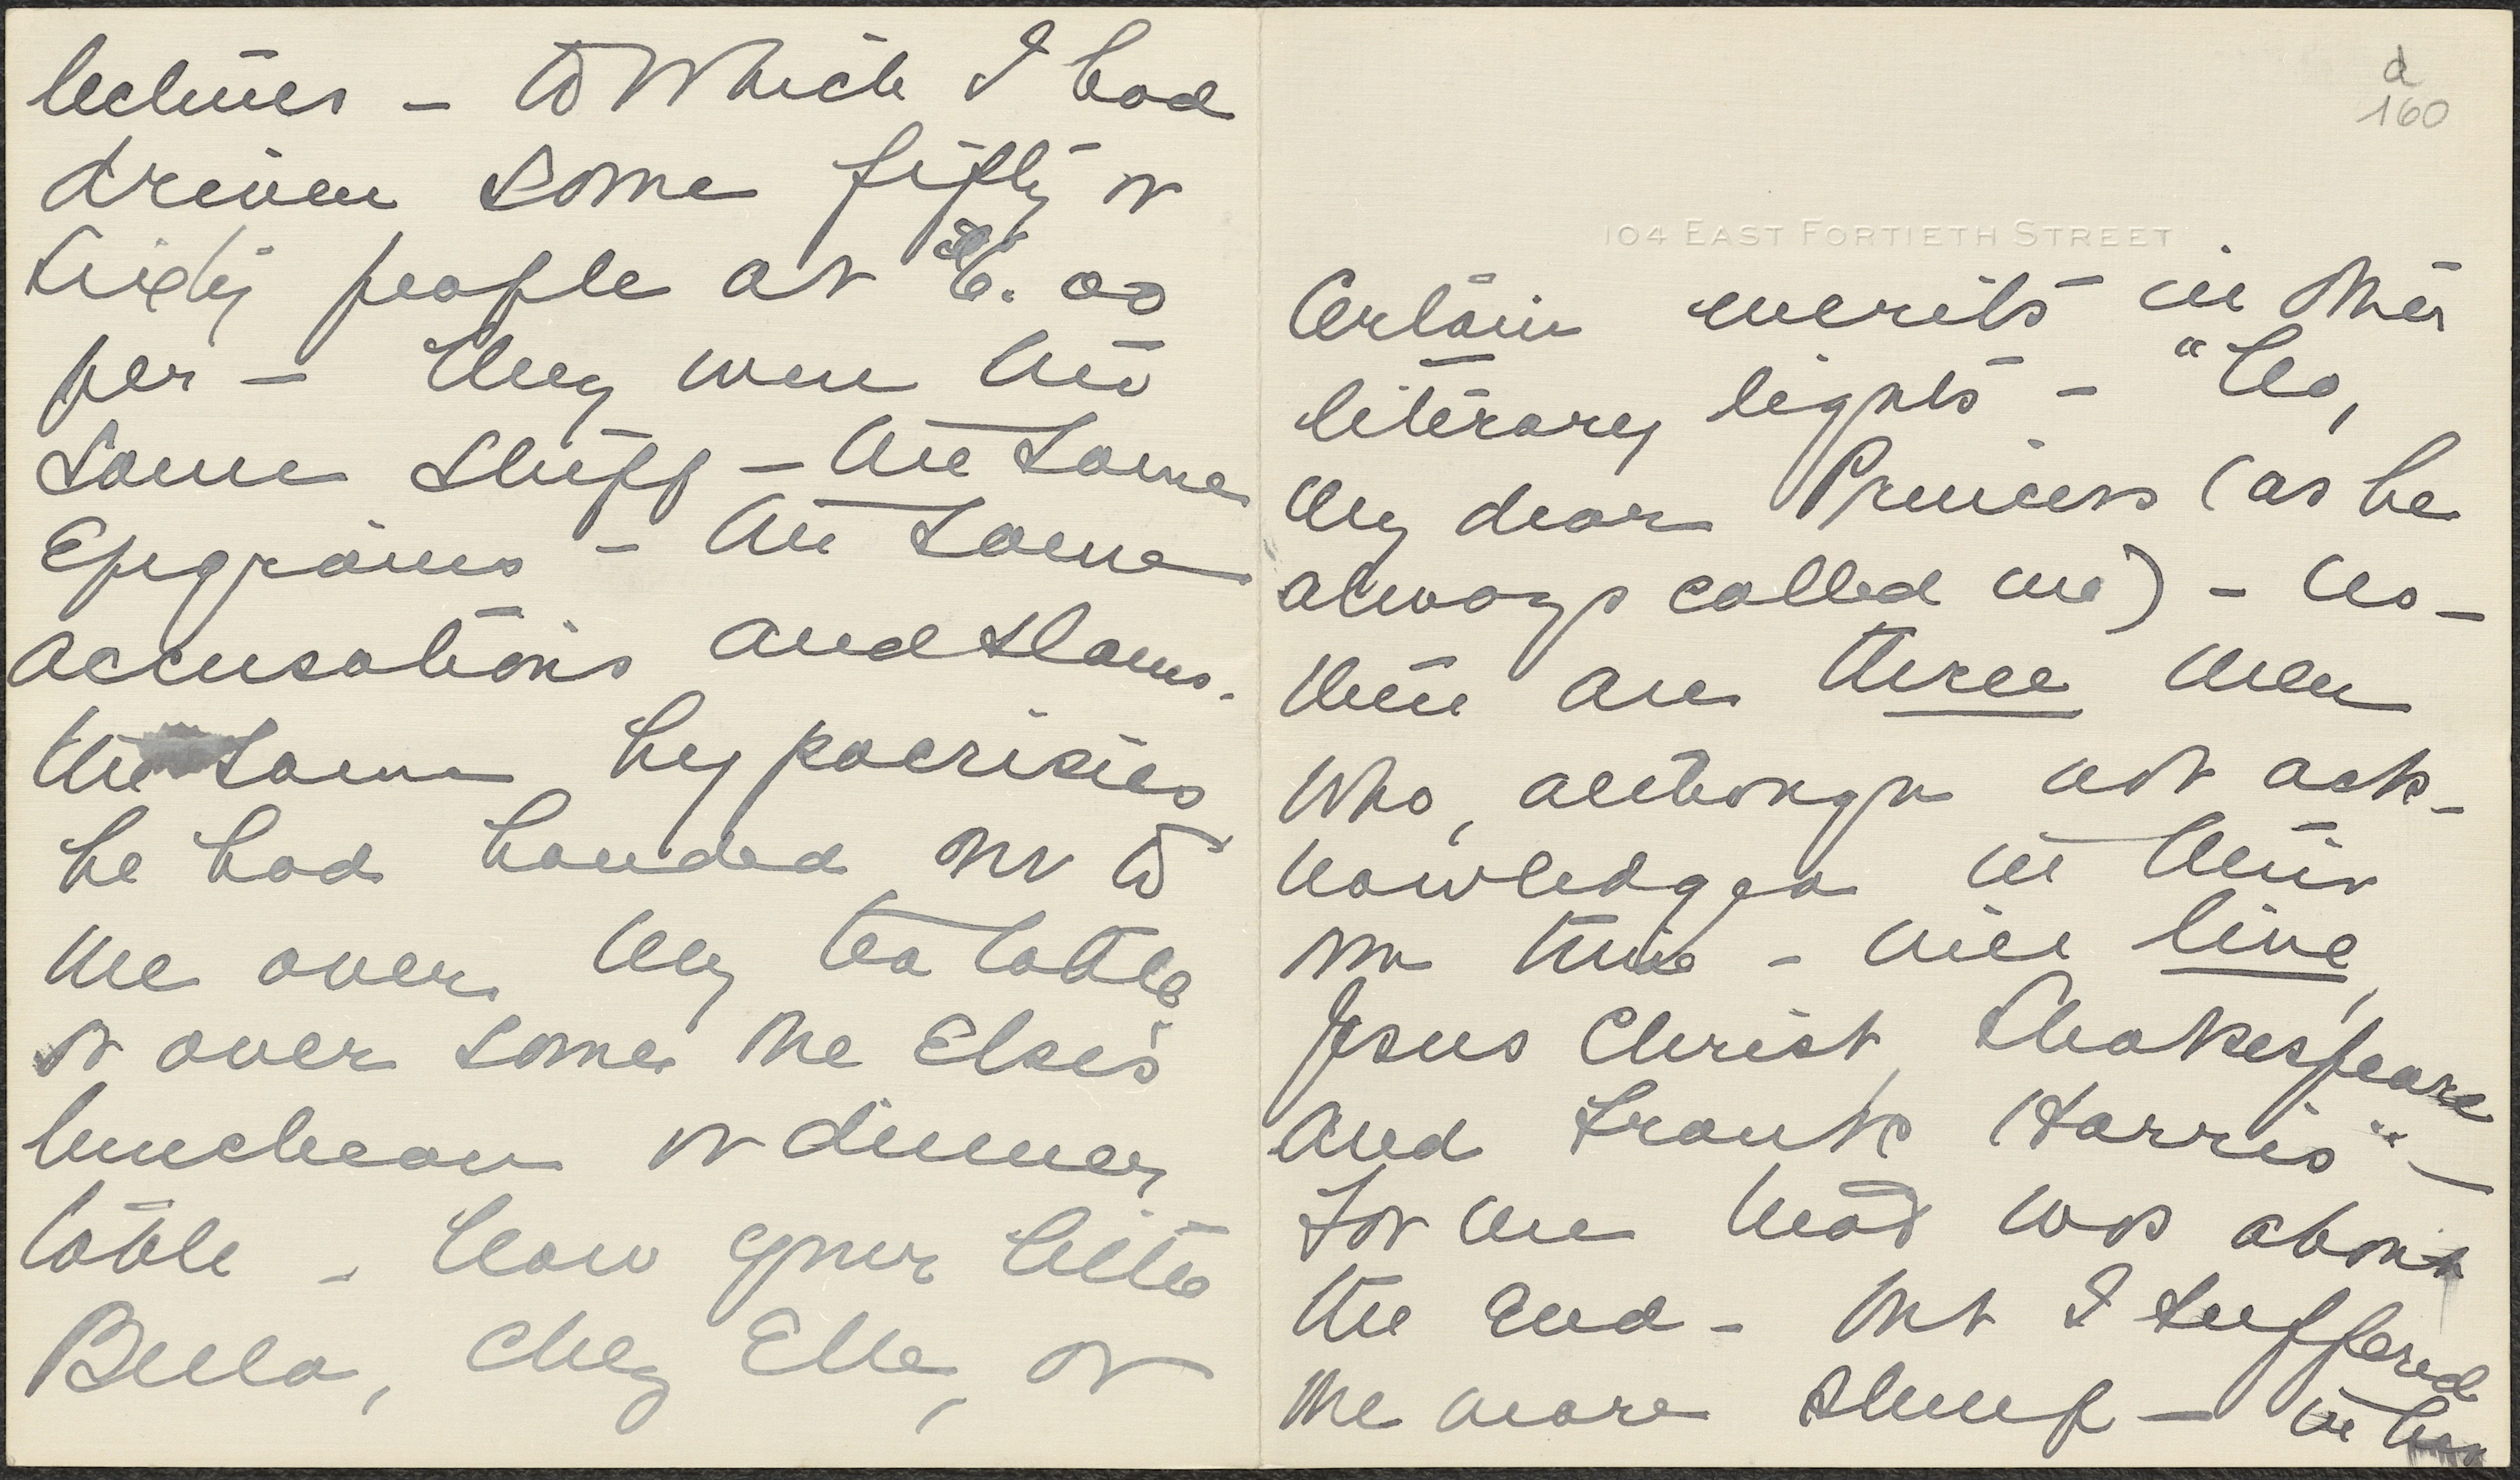certain merits in other literary lights – “no, my dear Princess (as he always called me) – no – there are three men who, although not acknowledged in their own time – will live, Jesus Christ, Shakespeare and Frank Harris” – For me that was about the end – but I suffered one more slump – in his
lectures – to which I had driven some fifty or sixty people at $6.00 per – They were the same stuff – the same Epigrams – the same accusations and slams – the same hypocrisies he had handed out to me over my tea table or over someone else’s luncheon or dinner table – now your little Bella, chez elle, or